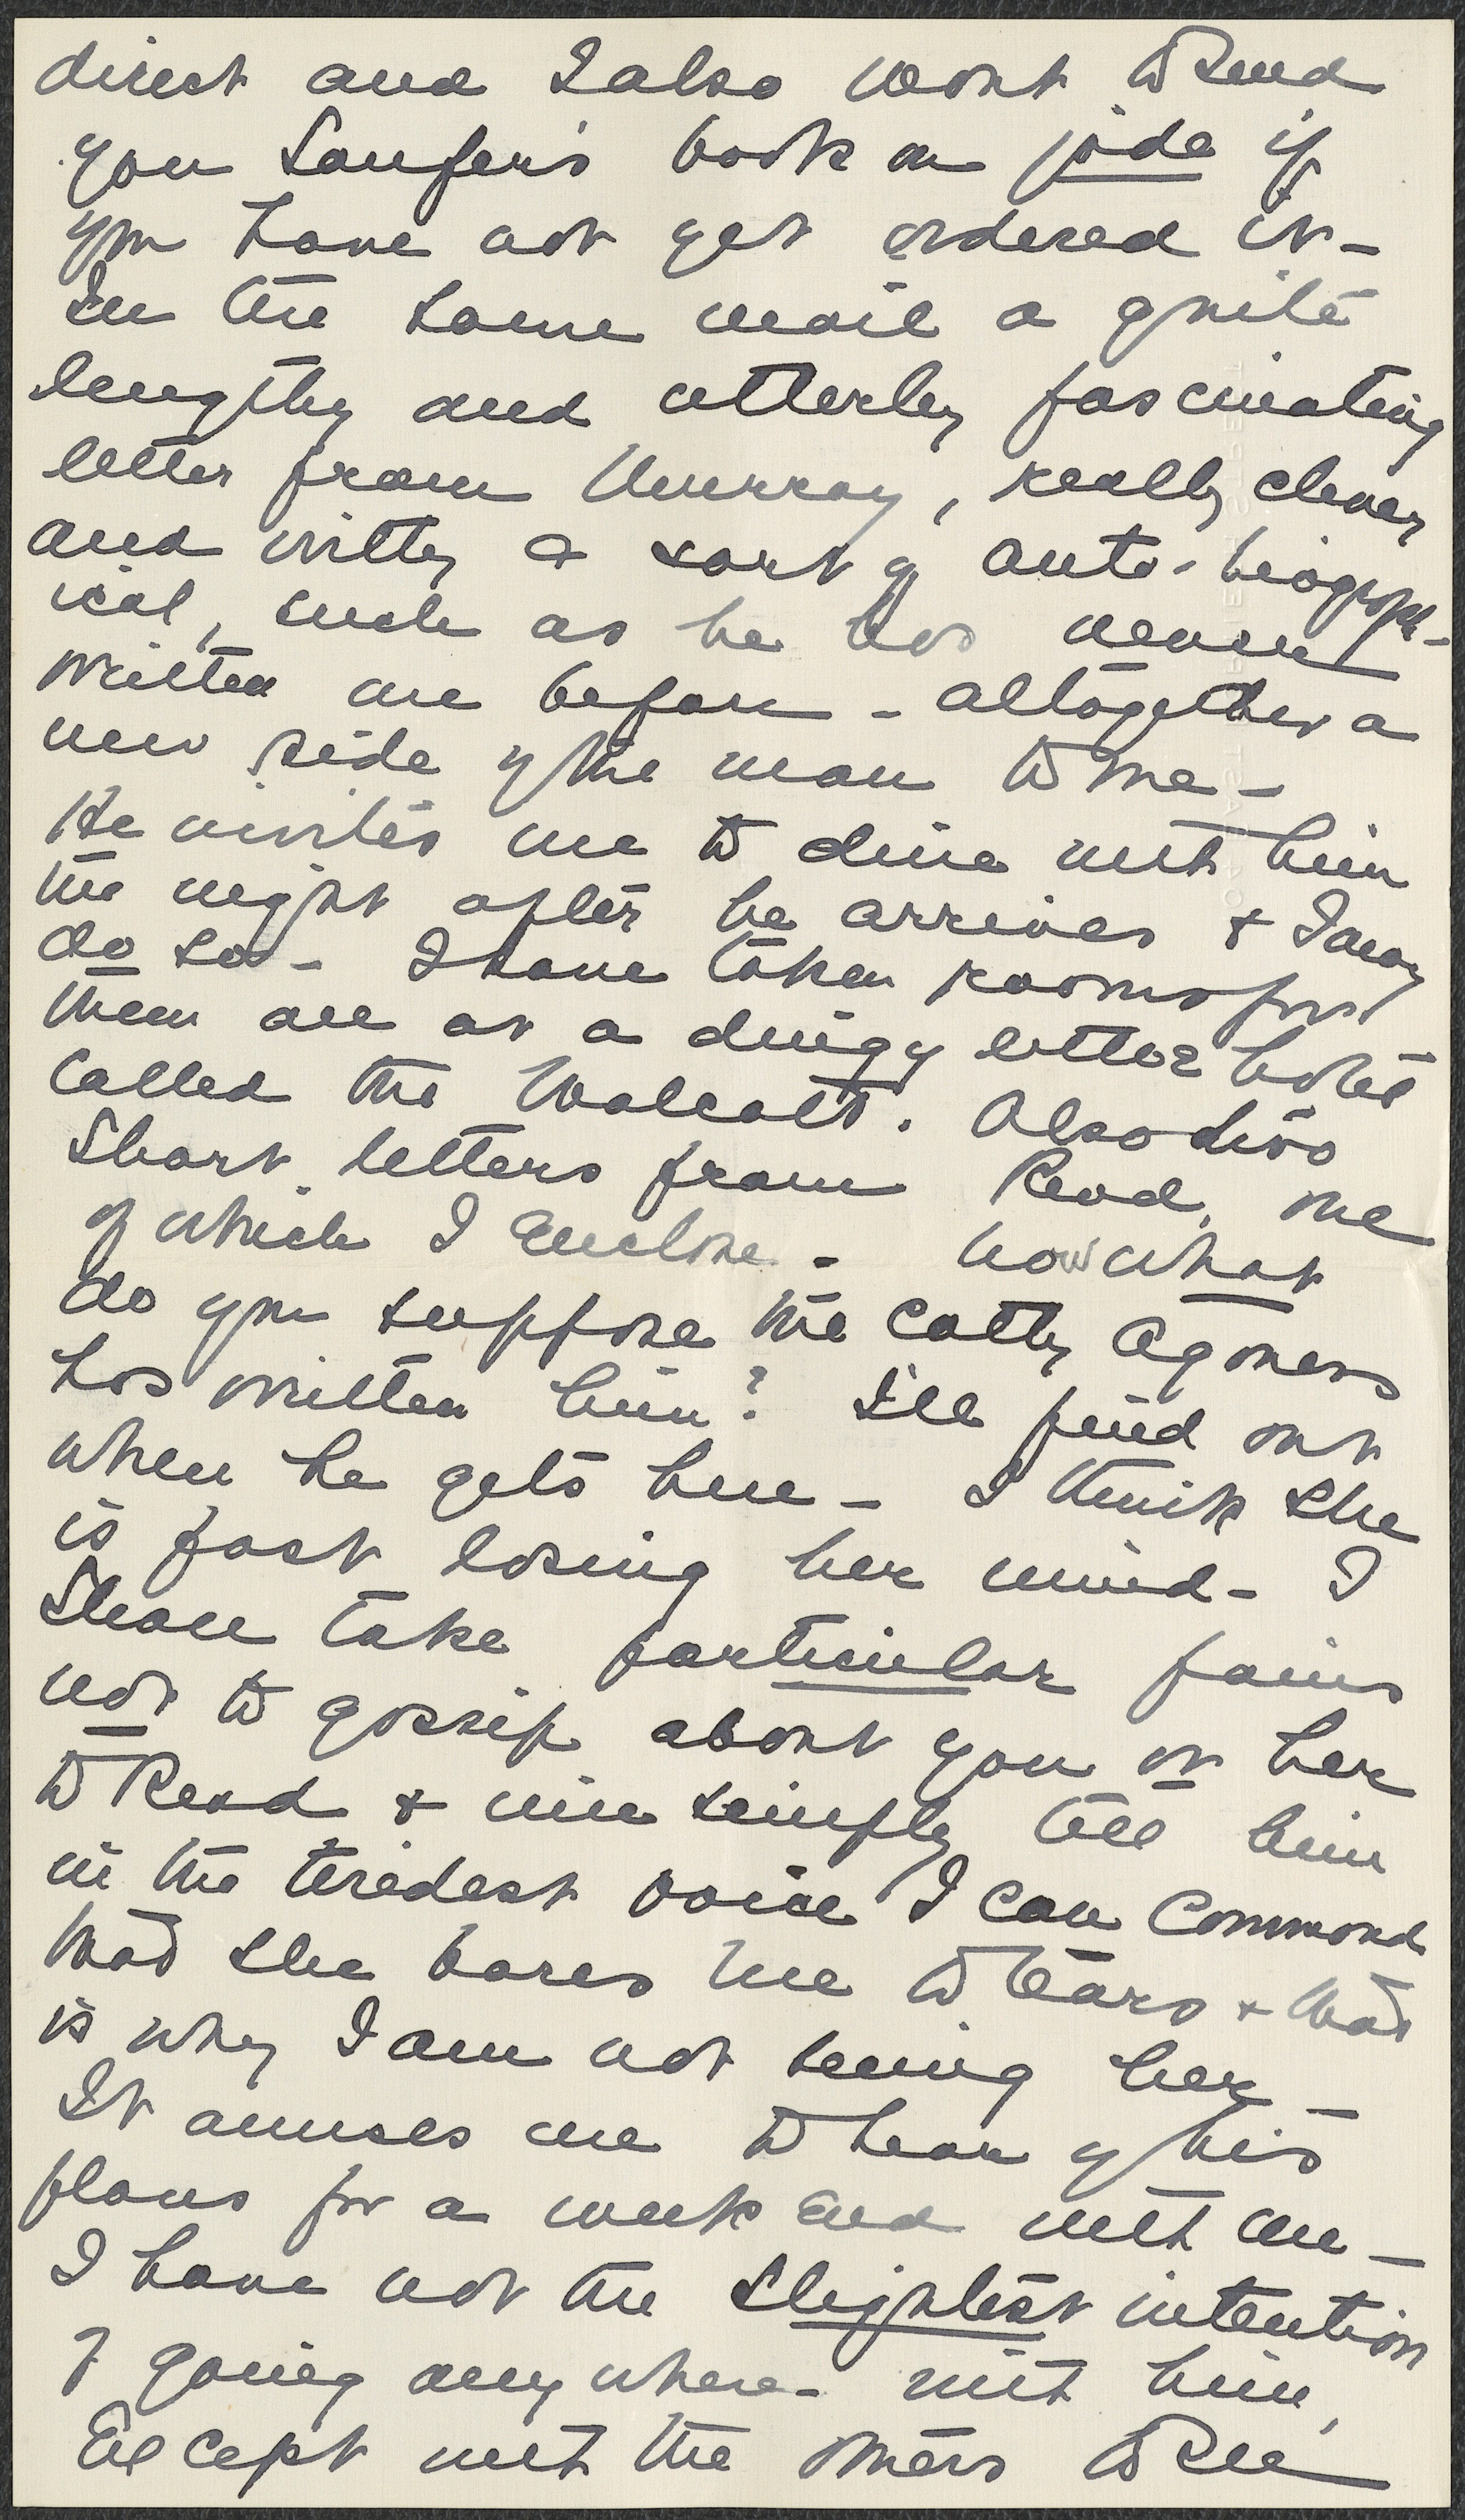direct and I also want to send you Laufer’s book on jade if you have not yet ordered it – In the same mail a quite lengthy and utterly fascinating letter from Murray, really clever and witty & sort of auto-biographical, such as he has never written me before – altogether a new side of the man to me – He writes me to dine with him the night after he arrives & I may do so – I have taken rooms for them all at a dingy little hotel called the Wolcott. Also two short letters from Read, one of which I enclose – now what do you suppose the catty Agoness has written him? I’ll find out when he gets here – I think she is fast losing her mind – I shall take particular pains not to gossip about you or her to Read & will simply tell him in the tiredest voice I can command that she bores me to tears & that is why I am not seeing her – It amuses me to hear of his plans for a weekend with me – I have not the slightest intention of going anywhere – with him, except with the others to see